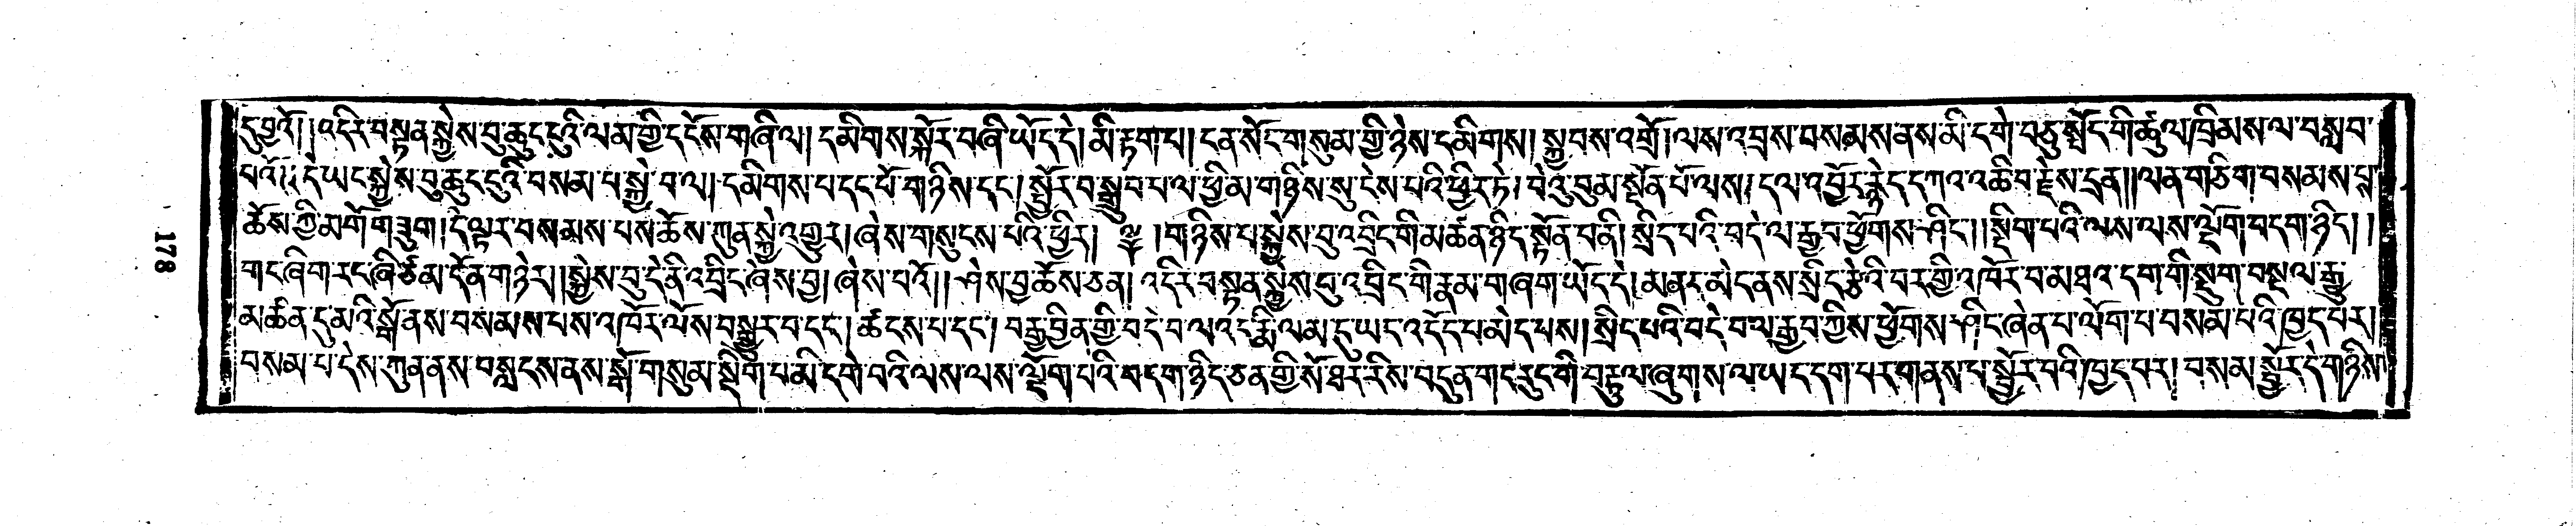དུ་བྱའོ། །འདིར་བསྟན་སྐྱེས་བུ་ཆུང་ངུའི་ལམ་གྱི་དངོས་གཞི་ལ། དམིགས་སྐོར་བཞི་ཡོད་དེ། མི་རྟག་པ། ངན་སོང་གསུམ་གྱི་ཉེས་དམིགས། སྐྱབས་འགྲོ། ལས་འབྲས་བསམས་ནས་མི་དགེ་བཅུ་སྤོང་གི་ཚུལ་ཁྲིམས་ལ་བསླབ་
པའོ༑ ༑དེ་ཡང་སྐྱེས་བུ་ཆུང་ངུའི་བསམ་པ་སྐྱེ་བ་ལ། དམིགས་པ་དང་པོ་གཉིས་དང་། སྦྱོར་བ་སྒྲུབ་པ་ལ་ཕྱི་མ་གཉིས་སུ་ངེས་པའི་ཕྱིར་ཏེ། བེའུ་བུམ་སྔོན་པོ་ལས། དལ་འབྱོར་རྙེད་དཀའ་འཆི་བ་རྗེས་དྲན། །ལན་གཅིག་བསམས་པས་
ཆོས་ཀྱི་མགོ་གཟུག །དེ་ལྟར་བསམས་པས་ཆོས་ཀུན་སྐྱེ་འགྱུར། ཞེས་གསུངས་པའི་ཕྱིར། ༈ །གཉིས་པ་སྐྱེས་བུ་འབྲིང་གི་མཚན་ཉིད་སྟོན་པ་ནི། སྲིད་པའི་བདེ་ལ་རྒྱབ་ཕྱོགས་ཤིང་། །སྡིག་པའི་ལས་ལས་ལྡོག་བདག་ཉིད། །
གང་ཞིག་རང་ཞི་ཙམ་དོན་གཉེར། །སྐྱེས་བུ་དེ་ནི་འབྲིང་ཞེས་བྱ། ཞེས་པའོ། །ཤེས་བྱ་ཆོས་ཅན། འདིར་བསྟན་སྐྱེས་བུ་འབྲིང་གི་རྣམ་གཞག་ཡོད་དེ། མནར་མེད་ནས་སྲིད་རྩེའི་བར་གྱི་འཁོར་བ་མཐའ་དག་གི་སྡུག་བསྔལ་རྒྱུ་
མཚན་དུ་མའི་སྒོ་ནས་བསམས་པས་འཁོར་ལོས་བསྒྱུར་བ་དང་། ཚངས་པ་དང་། བརྒྱ་བྱིན་གྱི་བདེ་བ་ལའང་རྨི་ལམ་དུ་ཡང་འདོད་པ་མེད་པས། སྲིད་པའི་བདེ་བ་ལ་རྒྱབ་ཀྱིས་ཕྱོགས་ཤིང་ཞེན་པ་ལོག་པ་བསམ་པའི་ཁྱད་པར།
བསམ་པ་དེས་ཀུན་ནས་བསླངས་ནས་སྒོ་གསུམ་སྡིག་པ་མི་དགེ་བའི་ལས་ལས་ལྡོག་པའི་བདག་ཉིད་ཅན་གྱི་སོ་ཐར་རིས་བདུན་གང་རུང་གི་བརྟུལ་ཞུགས་ལ་ཡང་དག་པར་གནས་པ་སྦྱོར་བའི་ཁྱད་པར། བསམ་སྦྱོར་དེ་གཉིས་